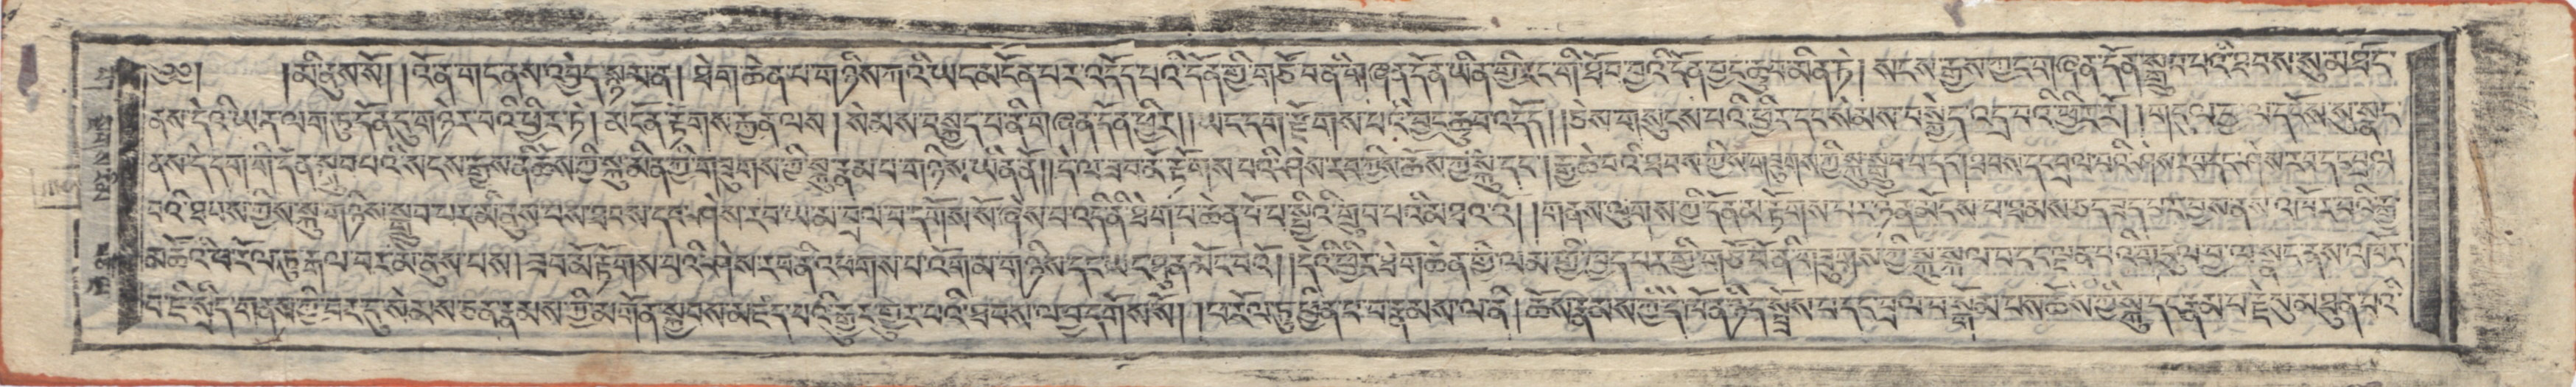༄༅། །མི་ནུས་སོ། །འོ་ན་གང་ནས་འབྱེད་སྙམ་ན། ཐེག་ཆེན་པ་གཉིས་ཀའི་ཡང་མངོན་པར་འདོད་པའི་དོན་གྱི་གཙོ་བ་ནི་གཞན་དོན་ཡིན་གྱི་རང་གི་ཐོབ་བྱའི་དོན་བྱང་ཆུབ་མིན་ཏེ། སངས་རྒྱས་ཀྱང་གཞན་དོན་སྒྲུབ་པའི་ཐབས་སུ་མཐོང་
ནས་དེའི་ཡན་ལག་ཏུ་དོན་དུ་གཉེར་བའི་ཕྱིར་ཏེ། མངོན་རྟོགས་རྒྱན་ལས། སེམས་བསྐྱེད་པ་ནི་གཞན་དོན་ཕྱིར། །ཡང་དག་རྫོགས་པའི་བྱང་ཆུབ་འདོད། །ཅེས་གསུངས་པའི་ཕྱིར་དང་སེམས་བསྐྱེད་འདྲ་བའི་ཕྱིར་རོ། །གདུལ་བྱ་ལ་དངོས་སུ་སྣང་
ནས་དེ་དག་གི་དོན་སྒྲུབ་པའི་སངས་རྒྱས་ནི་ཆོས་ཀྱི་སྐུ་མིན་གྱི་གཟུགས་ཀྱི་སྐུ་རྣམ་པ་གཉིས་ཡིན་ནོ། །དེ་ལ་ཟབ་མོ་རྟོགས་པའི་ཤེས་རབ་ཀྱིས་ཆོས་ཀྱི་སྐུ་དང་། རྒྱ་ཆེ་བའི་ཐབས་ཀྱིས་གཟུགས་ཀྱི་སྐུ་སྒྲུབ་པ་དང་། ཐབས་དང་བྲལ་བའི་ཤེས་རབ་དང་ཤེས་རབ་དང་བྲལ་
བའི་ཐབས་ཀྱིས་སྐུ་གཉིས་སྒྲུབ་པར་མི་ནུས་པས་ཐབས་དང་ཤེས་རབ་ཡ་མ་བྲལ་བ་དགོས་སོ་ཞེས་པ་འདི་ནི་ཐེག་པ་ཆེན་པོ་པ་སྤྱིའི་གྲུབ་པའི་མཐའ་འོ། །གནས་ལུགས་ཀྱི་དོན་མ་རྟོགས་པར་ཉོན་མོངས་པ་ཐམས་ཅད་ཟད་པར་བྱས་ནས་འཁོར་བའི་རྒྱ་
མཚོའི་ཕ་རོལ་ཏུ་རྒལ་བར་མི་ནུས་པས། ཟབ་མོ་རྟོགས་པའི་ཤེས་རབ་ནི་འཕགས་པ་འོག་མ་གཉིས་དང་ཡང་ཐུན་མོང་བའོ། །དེའི་ཕྱིར་ཐེག་ཆེན་གྱི་ལམ་གྱི་ཁྱད་པར་གྱི་གཙོ་བོ་ནི་གཟུགས་ཀྱི་སྐུ་སྐལ་བ་དང་ལྡན་པའི་གདུལ་བྱ་ལ་སྣང་ནས་འཁོར་
བ་ཇི་སྲིད་གནས་ཀྱི་བར་དུ་སེམས་ཅན་རྣམས་ཀྱི་མགོན་སྐྱབས་མཛད་པའི་རྒྱུར་གྱུར་པའི་ཐབས་ལ་བྱ་དགོས་སོ། །ཕ་རོལ་ཏུ་ཕྱིན་པ་བ་རྣམས་ལ་ནི། ཆོས་རྣམས་ཀྱི་དེ་ཁོ་ན་ཉིད་སྤྲོས་པ་དང་བྲལ་བ་སྒོམ་པས་ཆོས་ཀྱི་སྐུ་དང་རྣམ་པ་རྗེས་སུ་མཐུན་པའི་